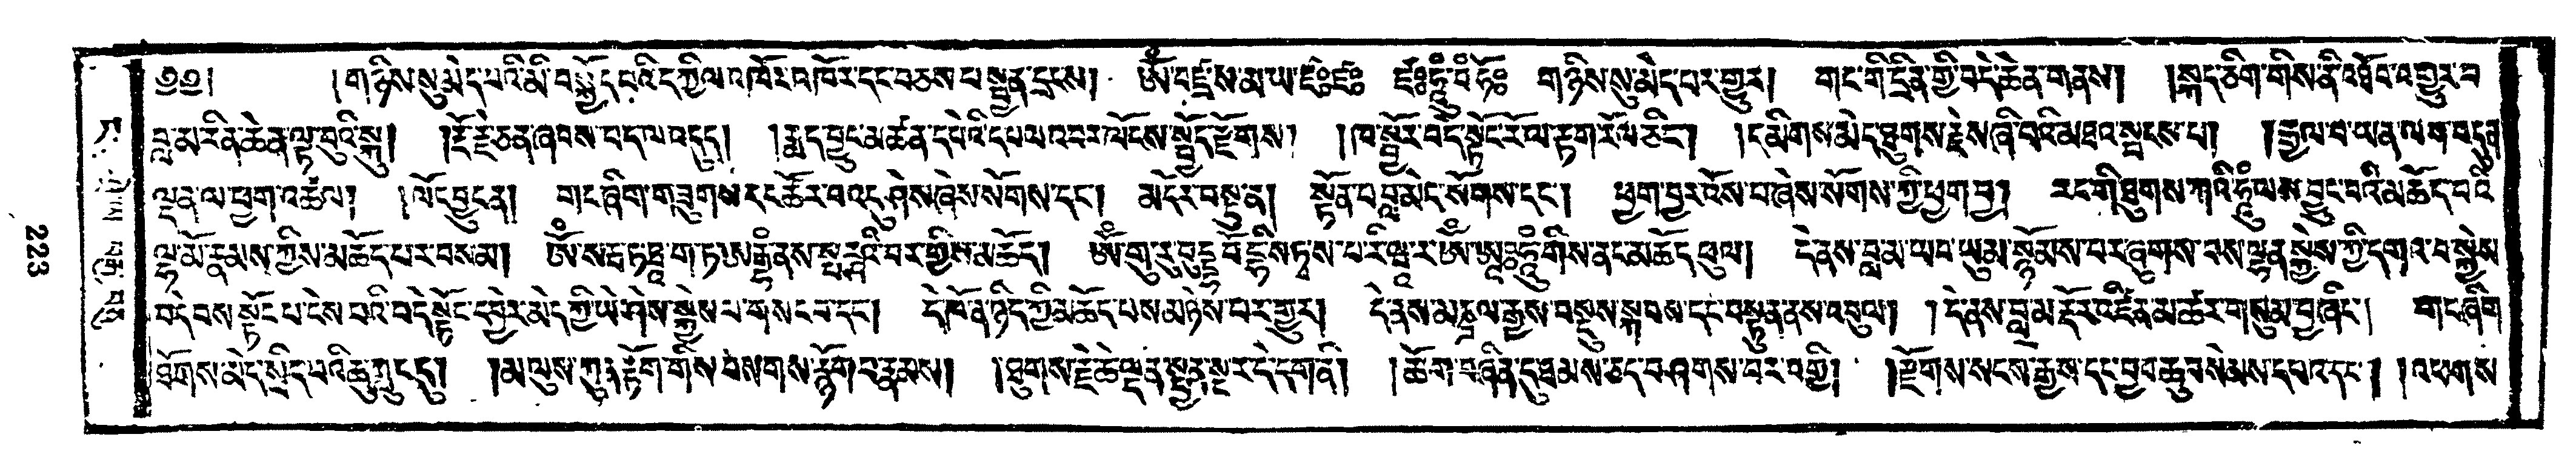༄༅། །གཉིས་སུ་མེད་པའི་མི་བསྐྱོད་བའི་དཀྱིལ་འཁོར་འཁོར་དང་བཅས་པ་སྤྱན་དྲངས། ཨོཾ་བཛྲ་ས་མ་ཡ་ཛཿཛཿ ཛཿ ཧཱུཾ་བཾ་ཧོཿ གཉིས་སུ་མེད་པར་གྱུར། གང་གི་དྲིན་གྱི་བདེ་ཆེན་གནས། །སྐད་ཅིག་གིས་ནི་འཐོབ་འགྱུར་བ་
བླ་མ་རིན་ཆེན་ལྟ་བུའི་སྐུ། །རྡོ་རྗེ་ཅན་ཞབས་བད་ལ་འདུད། །རྨད་བྱུང་མཚན་དཔེའི་དཔལ་འབར་ལོངས་སྤྱོད་རྫོགས། །ཁ་སྦྱོར་བདེ་སྟོང་རོ་ལ་རྟག་རོལ་ཅིང་། །དམིགས་མེད་ཐུགས་རྗེས་ཞི་བའི་མཐའ་སྤངས་པ། །རྒྱལ་བ་ཡན་ལག་བདུན་
ལྡན་ལ་ཕྱག་འཚལ། །ལོང་བྱུང་ན། གང་ཞིག་གཟུགས་དང་ཚོར་བ་འདུ་ཤེས་ཞེས་སོགས་དང་། མདོར་བསྡུ་ན། སྟོན་པ་བླ་མེད་སོགས་དང་། ཕྱག་བྱར་འོས་པ་ཞེས་སོགས་ཀྱི་ཕྱག་བྱ། རང་གི་ཐུགས་ཀའི་ཧཱུཾ་ལས་བྱུང་བའི་མཆོད་བའི་
ལྷ་མོ་རྣམས་ཀྱིས་མཆོད་པར་བསམ། ཨོཾ་སརྦ་ཏ་ཐཱ་ག་ཏ་ཨརྒྷཾ་ནས་སྤརྴའི་བར་གྱིས་མཆོད། ཨོཾ་གུ་རུ་བུདྡྷ་བོ་དྷི་སཏྭ་ས་པ་རི་ཝཱ་ར་ཨོཾ་ཨཱཿ ཧཱུཾ་གིས་ནང་མཆོད་ཕུལ། དེ་ནས་བླ་མ་ཡབ་ཡུམ་སྙོམས་པར་ཞུགས་བས་ལྷན་སྐྱེས་ཀྱི་དགའ་བ་སྐྱེས་
བདེ་བས་སྟོང་པ་ངེས་བའི་བདེ་སྟོང་དབྱེར་མེད་ཀྱི་ཡེ་ཤེས་སྐྱེས་པ་གསང་བ་དང་། དེ་ཁོ་ན་ཉིད་ཀྱི་མཆོད་པས་མཉེས་བར་གྱུར། དེ་ནས་མཎྜལ་རྒྱས་བསྡུས་སྐབས་དང་བསྟུན་ནས་འབུལ། །དེ་ནས་བླ་མ་རྡོར་འཛིན་མ་ཚར་གསུམ་བྱ་ཞིང་། གང་ཞིག་
ཐོགས་མེད་སྲིད་བའི་ཆུ་ཀླུང་དུ། །མ་ལུས་ཀུན་རྟོག་གིས་བསགས་རྙོག་བ་རྣམས། །ཐུགས་རྗེ་ཆེ་ལྡན་སྤྱན་སྔར་དེ་དག་ནི། །ཆོ་ག་བཞིན་དུ་ཐམས་ཅད་བཤགས་བར་བགྱི། །རྫོགས་སངས་རྒྱས་དང་བྱང་ཆུབ་སེམས་དཔའ་དང་། །འཕགས་